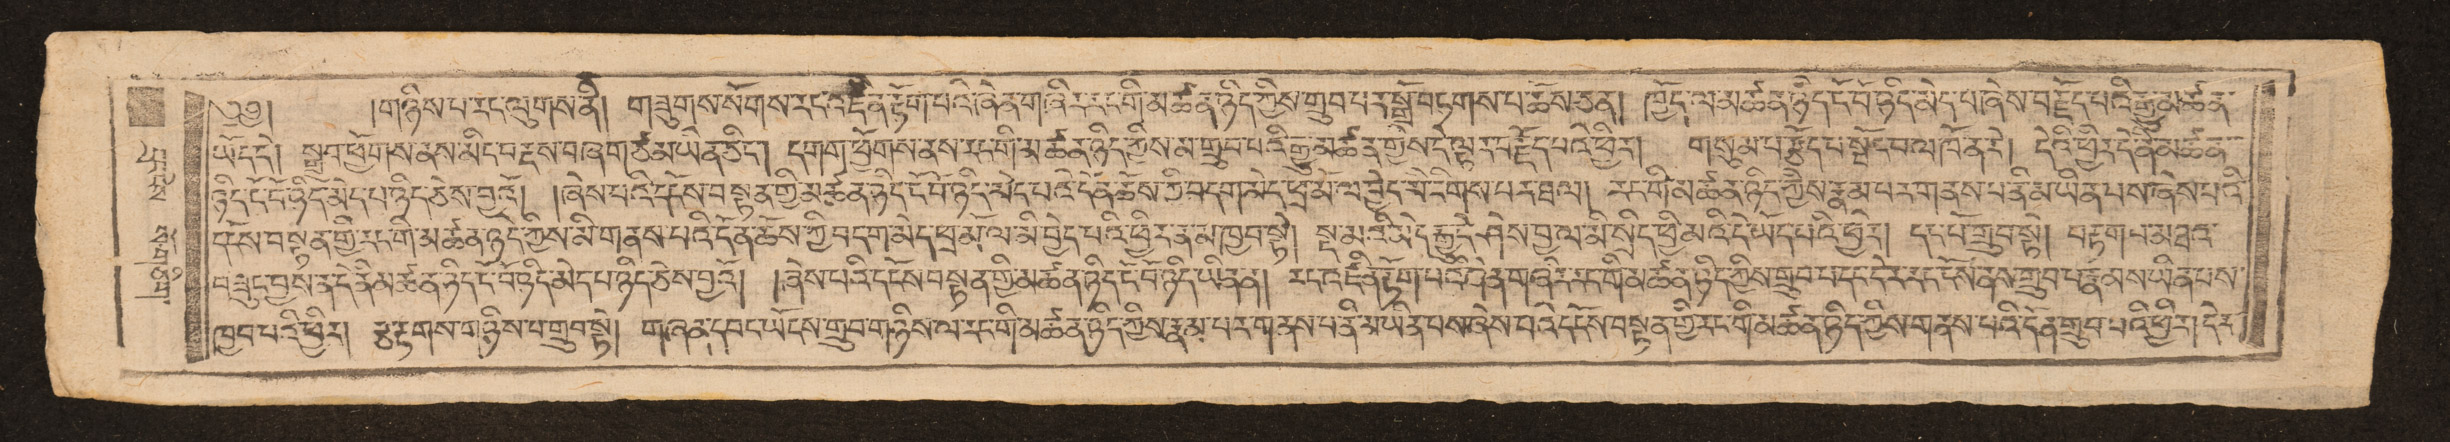༄༅། །གཉིས་པ་རང་ལུགས་ནི། གཟུགས་སོགས་རང་འཛིན་རྟོག་པའི་ཞེན་གཞིར་རང་གི་མཚན་ཉིད་ཀྱིས་གྲུབ་པར་སྒྲོ་བཏགས་པ་ཆོས་ཅན། ཁྱོད་ལ་མཚན་ཉིད་ངོ་བོ་ཉིད་མེད་པ་ཞེས་བརྗོད་པའི་རྒྱུ་མཚན་
ཡོད་དེ། སྒྲུབ་ཕྱོགས་ནས་མིང་བརྡས་བཞག་ཙམ་ཡིན་ཅིང་། དགག་ཕྱོགས་ནས་རང་གི་མཚན་ཉིད་ཀྱིས་མ་གྲུབ་པའི་རྒྱུ་མཚན་གྱིས་དེ་ལྟར་བརྗོད་པའི་ཕྱིར། གསུམ་པ་རྩོད་པ་སྤོང་བ་ལ་ཁོ་ན་རེ། དེའི་ཕྱིར་དེ་ནི་མཚན་
ཉིད་ངོ་བོ་ཉིད་མེད་པ་ཉིད་ཅེས་བྱའོ། །ཞེས་པའི་དངོས་བསྟན་གྱི་མཚན་ཉིད་ངོ་བོ་ཉིད་མེད་པའི་དོན་ཆོས་ཀྱི་བདག་མེད་ཕྲ་མོ་ལ་བྱེད་མི་རིགས་པར་ཐལ། རང་གི་མཚན་ཉིད་ཀྱིས་རྣམ་པར་གནས་པ་ནི་མ་ཡིན་པས་ཞེས་པའི་
དངོས་བསྟན་གྱི་རང་གི་མཚན་ཉིད་ཀྱིས་མི་གནས་པའི་དོན་ཆོས་ཀྱི་བདག་མེད་ཕྲ་མོ་ལ་མི་བྱེད་པའི་ཕྱིར་ན་མ་ཁྱབ་སྟེ། སྔ་མའི་མེད་རྒྱུ་དེ་ཤེས་བྱ་ལ་མི་སྲིད་ཕྱི་མའི་དེ་ཡོད་པའི་ཕྱིར། དང་པོ་གྲུབ་སྟེ། བརྟག་པ་མཐའ་
བཟུང་བྱས་ན་དེ་ནི་མཚན་ཉིད་ངོ་བོ་ཉིད་མེད་པ་ཉིད་ཅེས་བྱའོ། །ཞེས་པའི་དངོས་བསྟན་གྱི་མཚན་ཉིད་ངོ་བོ་ཉིད་ཡིན་ན། རང་འཛིན་རྟོག་པའི་ཞེན་གཞིར་རང་གི་མཚན་ཉིད་ཀྱིས་གྲུབ་པ་དང་དེར་རང་ངོས་ནས་གྲུབ་པ་རྣམས་ཡིན་པས་
ཁྱབ་པའི་ཕྱིར། རྩ་རྟགས་གཉིས་པ་གྲུབ་སྟེ། གཞན་དབང་ཡོངས་གྲུབ་གཉིས་ལ་རང་གི་མཚན་ཉིད་ཀྱིས་རྣམ་པར་གནས་པ་ནི་མ་ཡིན་པས་ཞེས་པའི་དངོས་བསྟན་གྱི་རང་གི་མཚན་ཉིད་ཀྱིས་གནས་པའི་དོན་གྲུབ་པའི་ཕྱིར། དེར་